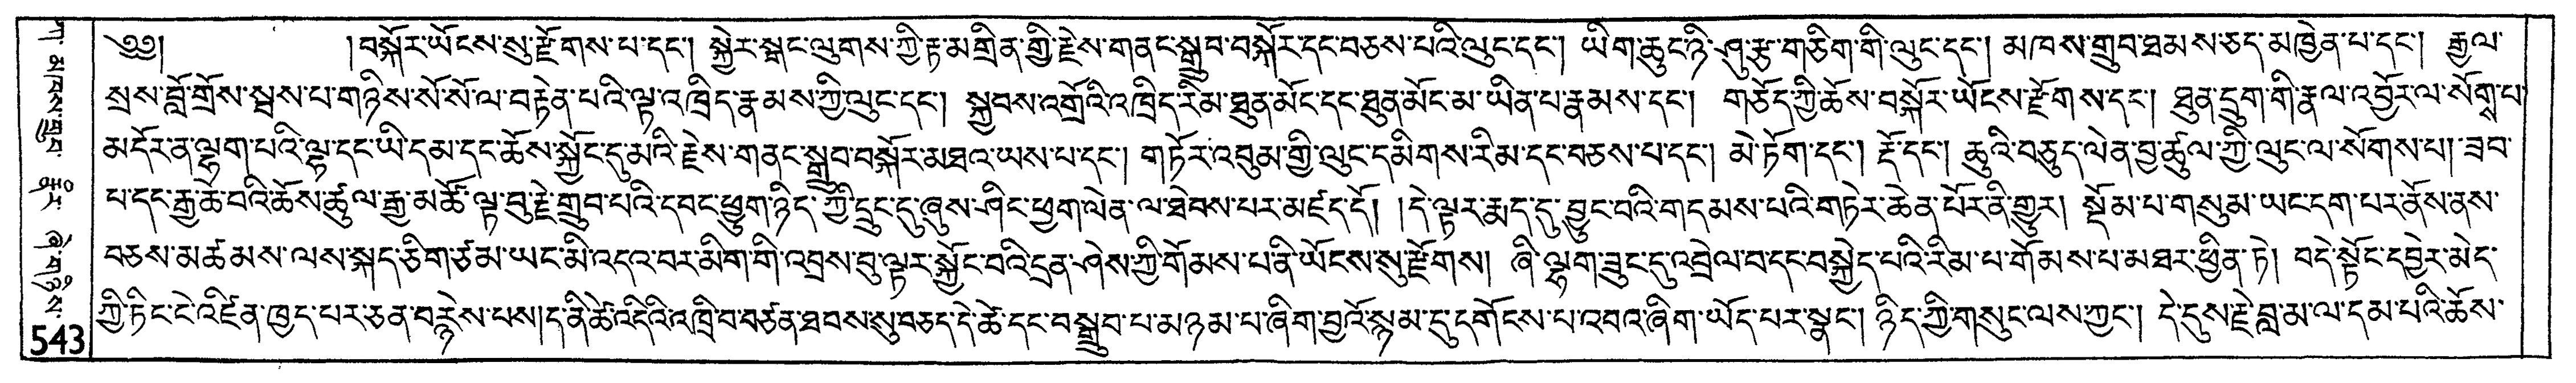༄༅། །བསྐོར་ཡོངས་སུ་རྫོགས་པ་དང་། སྐྱེར་སྒང་ལུགས་ཀྱི་རྟ་མགྲིན་གྱི་རྗེས་གནང་སྒྲུབ་བསྐོར་དང་བཅས་པའི་ལུང་དང་། ཡིག་ཆུང་ཉི་ཤུ་རྩ་གཅིག་གི་ལུང་དང་། མཁས་གྲུབ་ཐམས་ཅད་མཁྱེན་པ་དང་། རྒྱལ་
སྲས་བློ་གྲོས་སྦས་པ་གཉིས་སོ་སོ་ལ་བརྟེན་པའི་ལྟ་འཁྲིད་རྣམས་ཀྱི་ལུང་དང་། སྐྱབས་འགྲོའི་འཁྲིད་རིམ་ཐུན་མོང་དང་ཐུན་མོང་མ་ཡིན་པ་རྣམས་དང་། གཅོད་ཀྱི་ཆོས་བསྐོར་ཡོངས་རྫོགས་དང་། ཐུན་དྲུག་གི་རྣལ་འབྱོར་ལ་སོགས་པ་
མདོར་ན་ལྷག་པའི་ལྷ་དང་ཡི་དམ་དང་ཆོས་སྐྱོང་དུ་མའི་རྗེས་གནང་སྒྲུབ་བསྐོར་མཐའ་ཡས་པ་དང་། གཏོར་འབུམ་གྱི་ལུང་དམིགས་རིམ་དང་བཅས་པ་དང་། མེ་ཏོག་དང་། རྡོ་དང་། ཆུའི་བཅུད་ལེན་བྱ་ཚུལ་གྱི་ལུང་ལ་སོགས་པ། ཟབ་
པ་དང་རྒྱ་ཆེ་བའི་ཆོས་ཚུལ་རྒྱ་མཚོ་ལྟ་བུ་རྗེ་གྲུབ་པའི་དབང་ཕྱུག་ཉིད་ཀྱི་དྲུང་དུ་ཞུས་ཤིང་ཕྱག་ལེན་ལ་ཐེབས་པར་མཛད་དོ། །དེ་ལྟར་རྨད་དུ་བྱུང་བའི་གདམས་པའི་གཏེར་ཆེན་པོར་ནི་གྱུར། སྡོམ་པ་གསུམ་ཡང་དག་པར་ནོས་ནས་
བཅས་མཚམས་ལས་སྐད་ཅིག་ཙམ་ཡང་མི་འདའ་བར་མིག་གི་འབྲས་བུ་ལྟར་སྐྱོང་བའི་དྲན་ཤེས་ཀྱི་གོམས་པ་ནི་ཡོངས་སུ་རྫོགས། ཞི་ལྷག་ཟུང་དུ་འབྲེལ་བ་དང་བསྐྱེད་པའི་རིམ་པ་གོམས་པ་མཐར་ཕྱིན་ཏེ། བདེ་སྟོང་དབྱེར་མེད་
ཀྱི་ཏིང་ངེ་འཛིན་ཁྱད་པར་ཅན་བརྙེས་པས། ད་ནི་ཚེ་འདིའི་འཁྲི་བ་བཙན་ཐབས་སུ་བཅད་དེ་ཚེ་དང་བསྒྲུབ་པ་མཉམ་པ་ཞིག་བྱའོ་སྙམ་དུ་དགོངས་པ་འབའ་ཞིག་ཡོད་པར་སྣང་། ཉིད་ཀྱི་གསུང་ལས་ཀྱང་། དེ་དུས་རྗེ་བླ་མ་ལ་དམ་པའི་ཆོས་